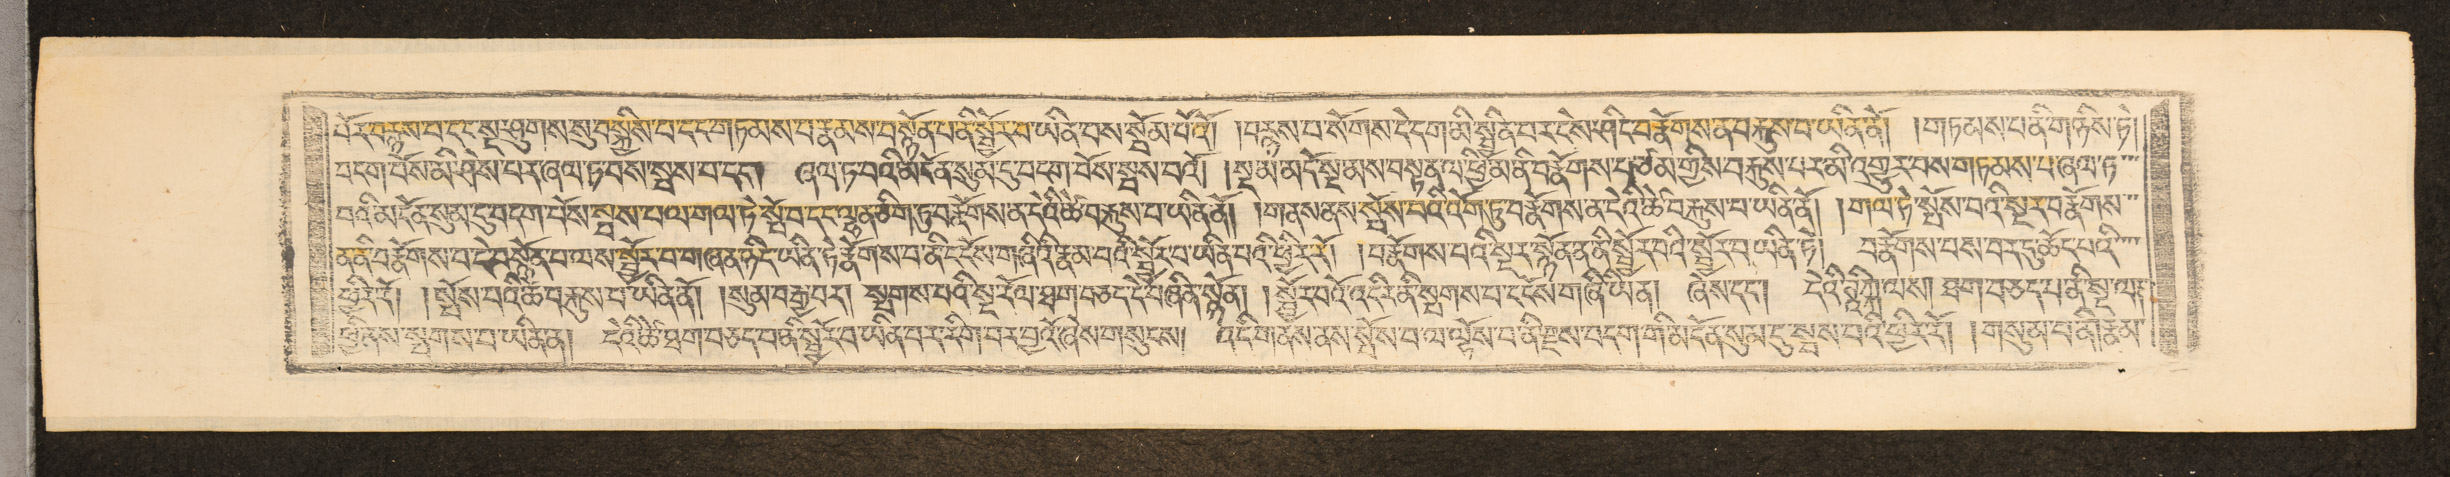བོར་བརྙས་པ་དང་སྔ་ཤུགས་སུ་བསྐྱིས་པ་དང་གཏམས་པ་རྣམས་བསྙོན་པ་ནི་སྦྱོར་བ་ཡིན་པས་སྦོམ་པོའོ། །བརྙས་པ་སོགས་དེ་དག་མི་སྦྱིན་པར་ངེས་ཤིང་བརྣོགས་ན་བརྐུས་པ་ཡིན་ནོ། །གཏམས་པ་ནི་གཉིས་ཏེ།
བདག་པོས་མི་ཤེས་པར་ཞལ་ཏ་བས་སྦས་པ་དང་། ཞལ་ཏ་བའི་མངོན་སུམ་དུ་བདག་བོས་སྦས་པའོ། །སྔ་མ་མདོ་སྔ་མས་བསྟན་ལ་ཕྱི་མ་ནི་བརྣོགས་པ་ཙམ་གྱིས་བརྐུས་པར་མི་འགྱུར་བས་གཏམས་པ་ཞལ་ཏ་
པའི་མངོན་སུམ་དུ་བདག་པོས་སྤས་པ་ལ་གལ་ཏེ་སྦོ་བ་དང་ལྷན་ཅིག་ཏུ་བརྣོགས་ན་དེཨི་ཚེ་བརྐུས་པ་ཡིན་ནོ། །གནས་ནས་སྦོས་པའི་འོག་ཏུ་བརྣོགས་ན་དེའི་ཚེ་བརྐུས་པ་ཡིན་ནོ། །གལ་ཏེ་སྤོས་པའི་སྔར་བརྣོགས་
ན་ནི་བརྣོགས་པ་དེ་བསྙོན་པ་ལས་སྦྱོར་བ་གཞན་ཉིད་ཡིན་ཏེ་རྣོགས་པ་ནི་དངོས་གཞིའི་རྣམ་པའི་སྦྱོར་པ་ཡིན་པའི་ཕྱིར་རོ། །བརྣོགས་པའི་སྔར་སྙོན་ན་ནི་སྦྱོར་བའི་སྦྱོར་བ་ཡིན་ཏེ། བརྣོགས་པས་བར་དུ་ཆོད་པའི་
ཕྱིར་རོ། །སྤོས་པའི་ཚེ་བརྐུས་པ་ཡིན་ནོ། །སུམ་བརྒྱ་བར། སྤགས་པའི་སྔ་རོལ་ཐག་བཅད་དེ་བཞིན་སྙོན། །སྦྱོར་བའོ་འདིར་ནི་སྤགས་པ་དངོས་གཞི་ཡིན། ཞེས་དང་། དེའི་ཊཱིཀྐ་ལས། ཐག་བཅད་པ་ནི་སྔ་ལ།
ཕྱི་ནས་སྤགས་པ་ཡིན་ན། དེའི་ཚེ་ཐག་བཅང་པ་ནི་སྦྱོར་བ་ཡིན་པར་རིག་པར་བྱའོ་ཞེས་གསུངས། འདི་གནས་ནས་སྤོས་པ་ལ་ལྟོས་པ་ནི་རྫས་བདག་གི་མངོན་སུམ་དུ་སྦས་པའི་ཕྱིར་རོ། །གསུམ་པ་ནི། རྣམ་